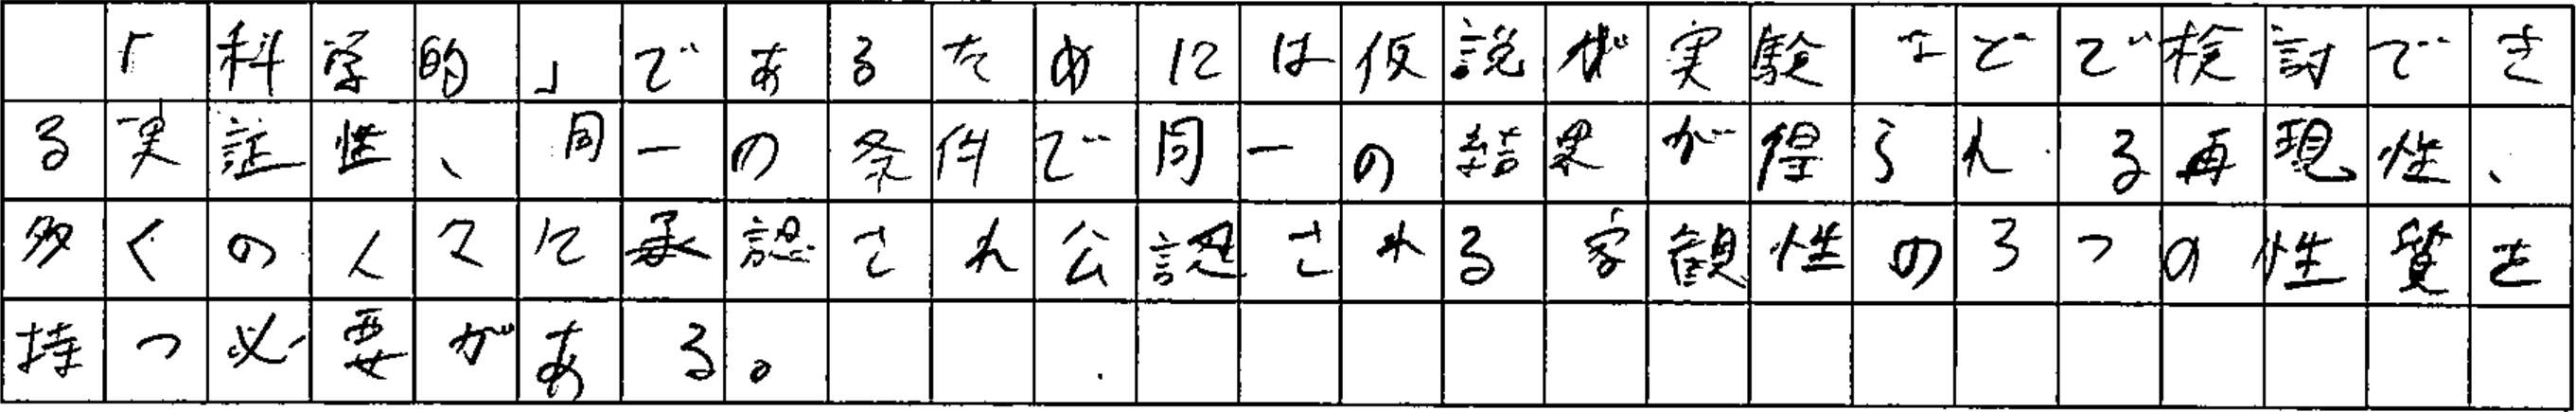　「科学的」であるためには仮説が実験などで検討できる実証性、同一の条件で同一の結果が得られる再現性、多くの人々に承認され公認される客観性の３つの性質を持つ必要がある。
